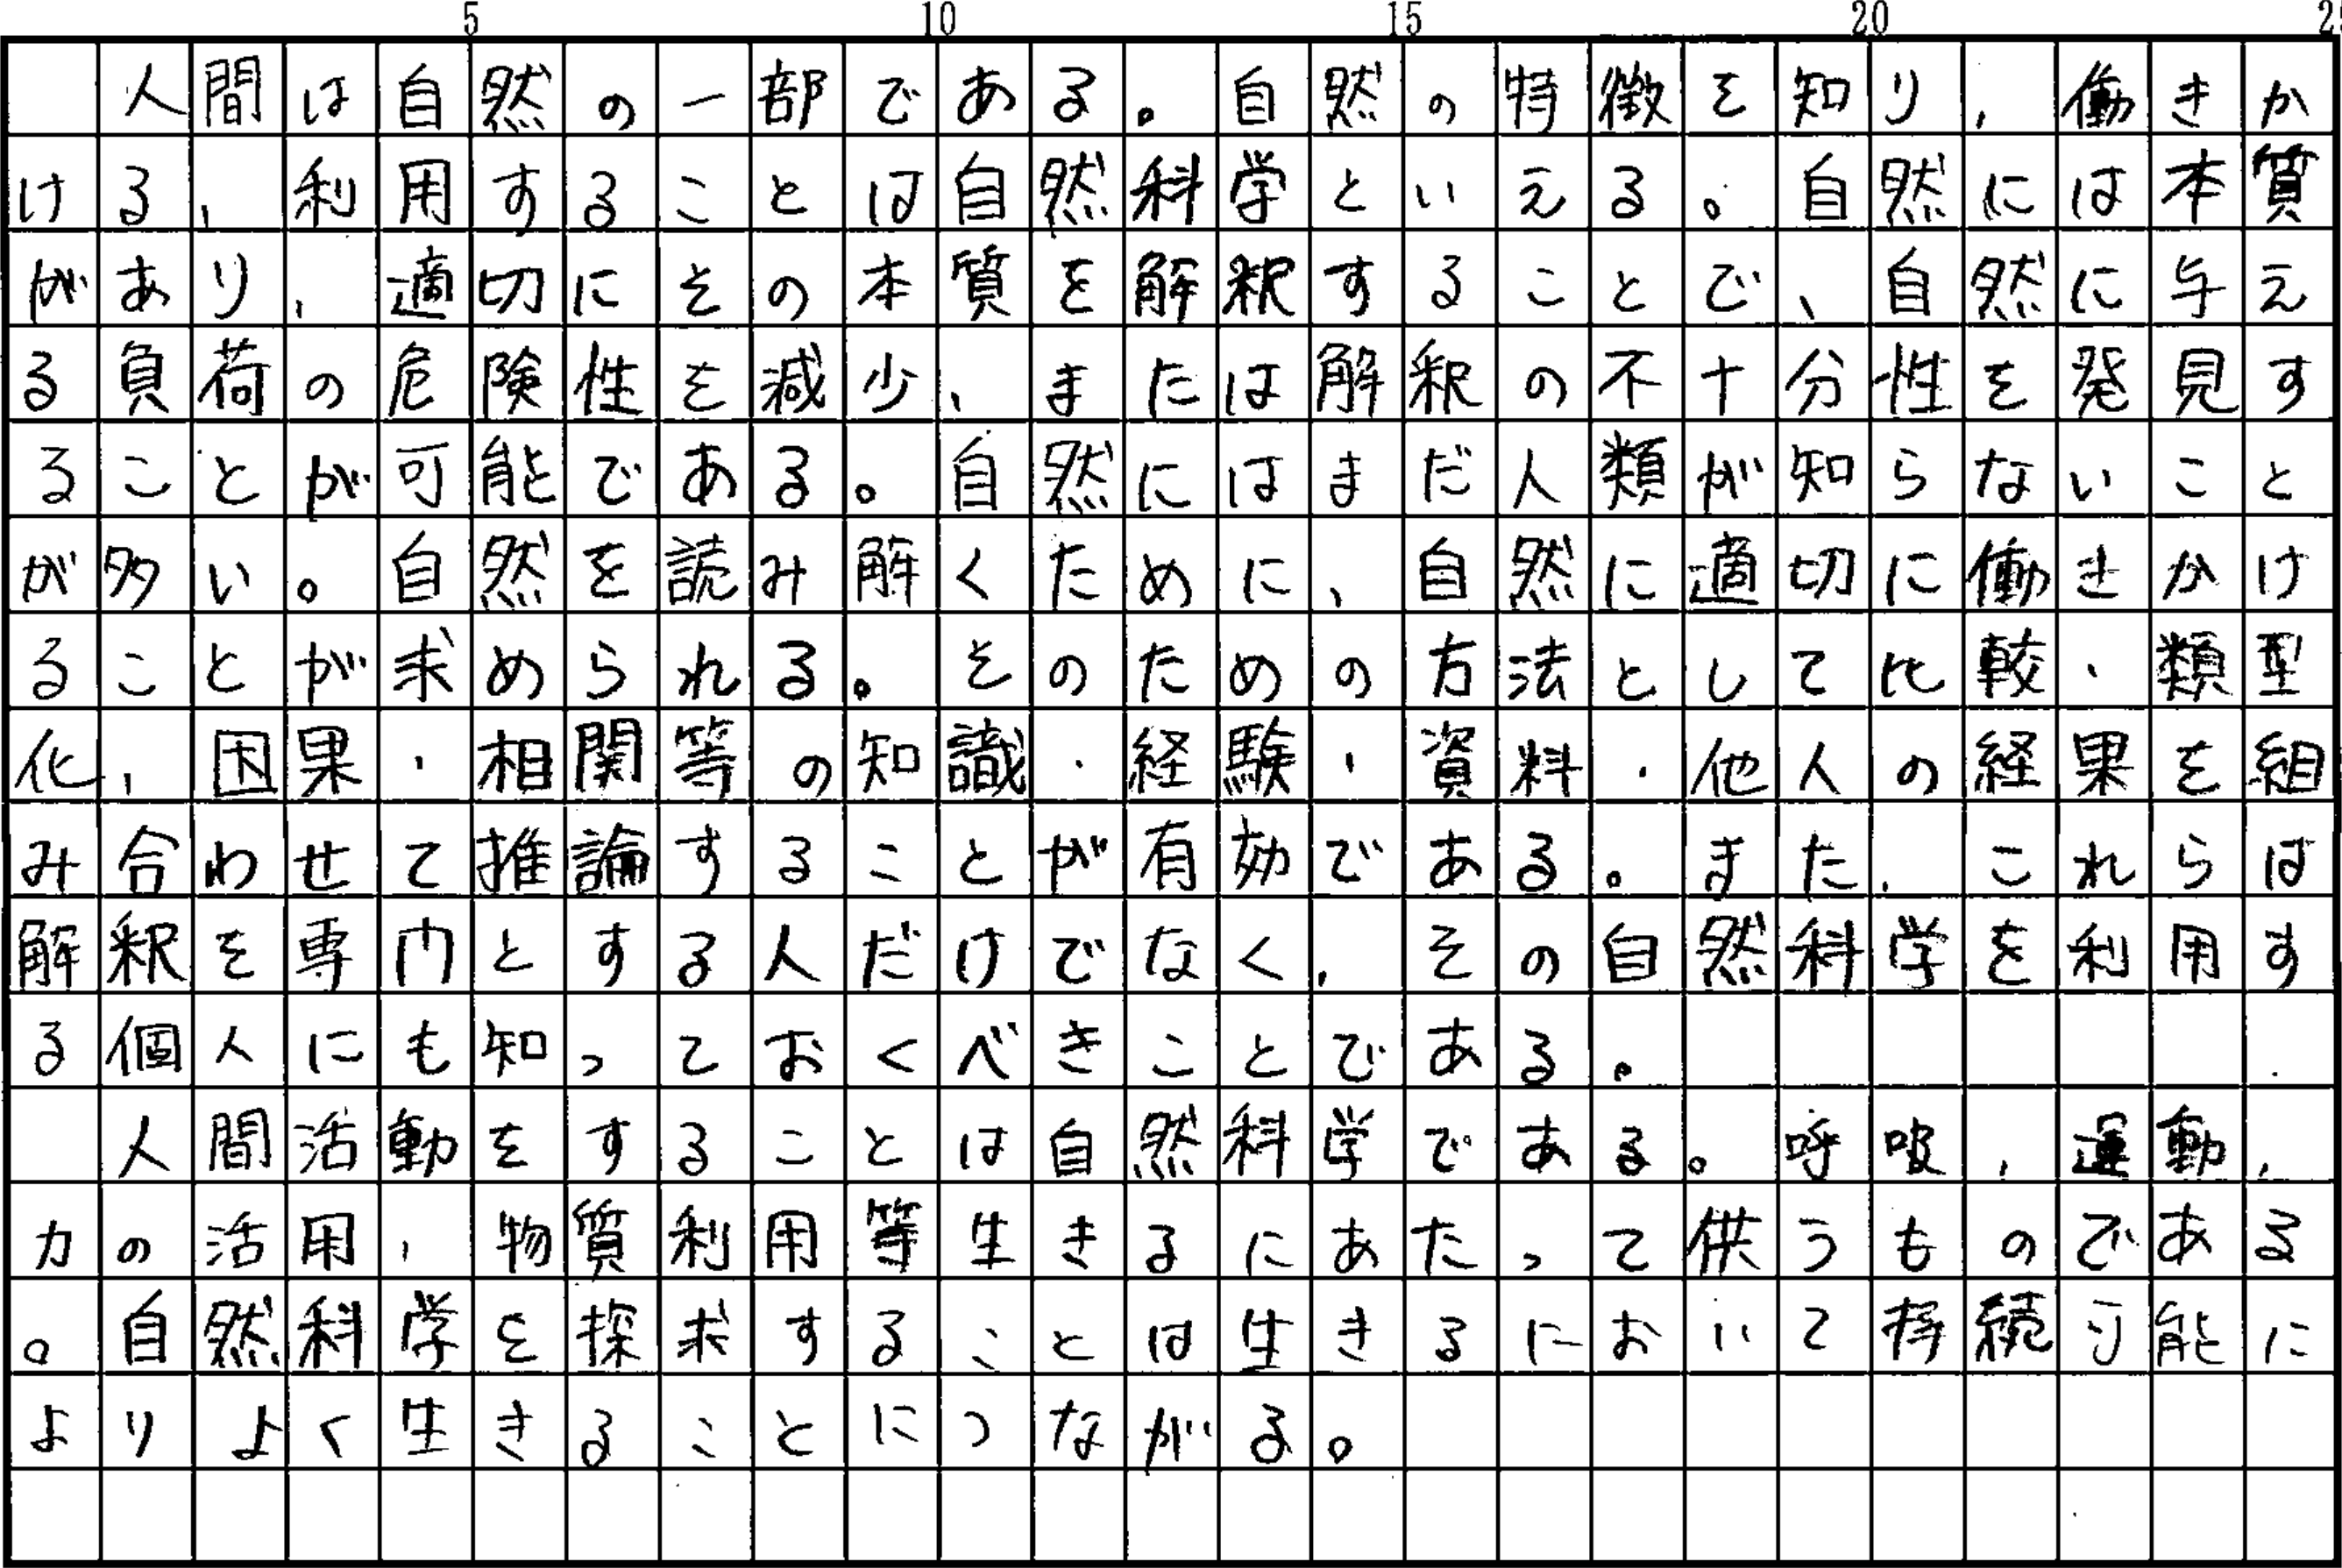　人間は自然の一部である。自然の特徴を知り、働きかける、利用することは自然科学といえる。自然には本質があり、適切にその本質を解釈することで、自然に与える負荷の危険性を減少、または解釈の不十分性を発見することが可能である。自然にはまだ人類が知らないことが多い。自然を読み解くために、自然に適切に働きかけることが求められる。そのための方法として比較、類型化、因果・相関等の知識・経験・資料・他人の経果を組み合わせて推論することが有効である。また、これらは解釈を専門とする人だけでなく、その自然科学を利用する個人にも知っておくべきことである。
　人間活動をすることは自然科学である。呼吸、運動、力の活用、物質利用等生きるにあたって供うものである。自然科学を探求することは生きるにおいて持続可能によりよく生きることにつながる。
